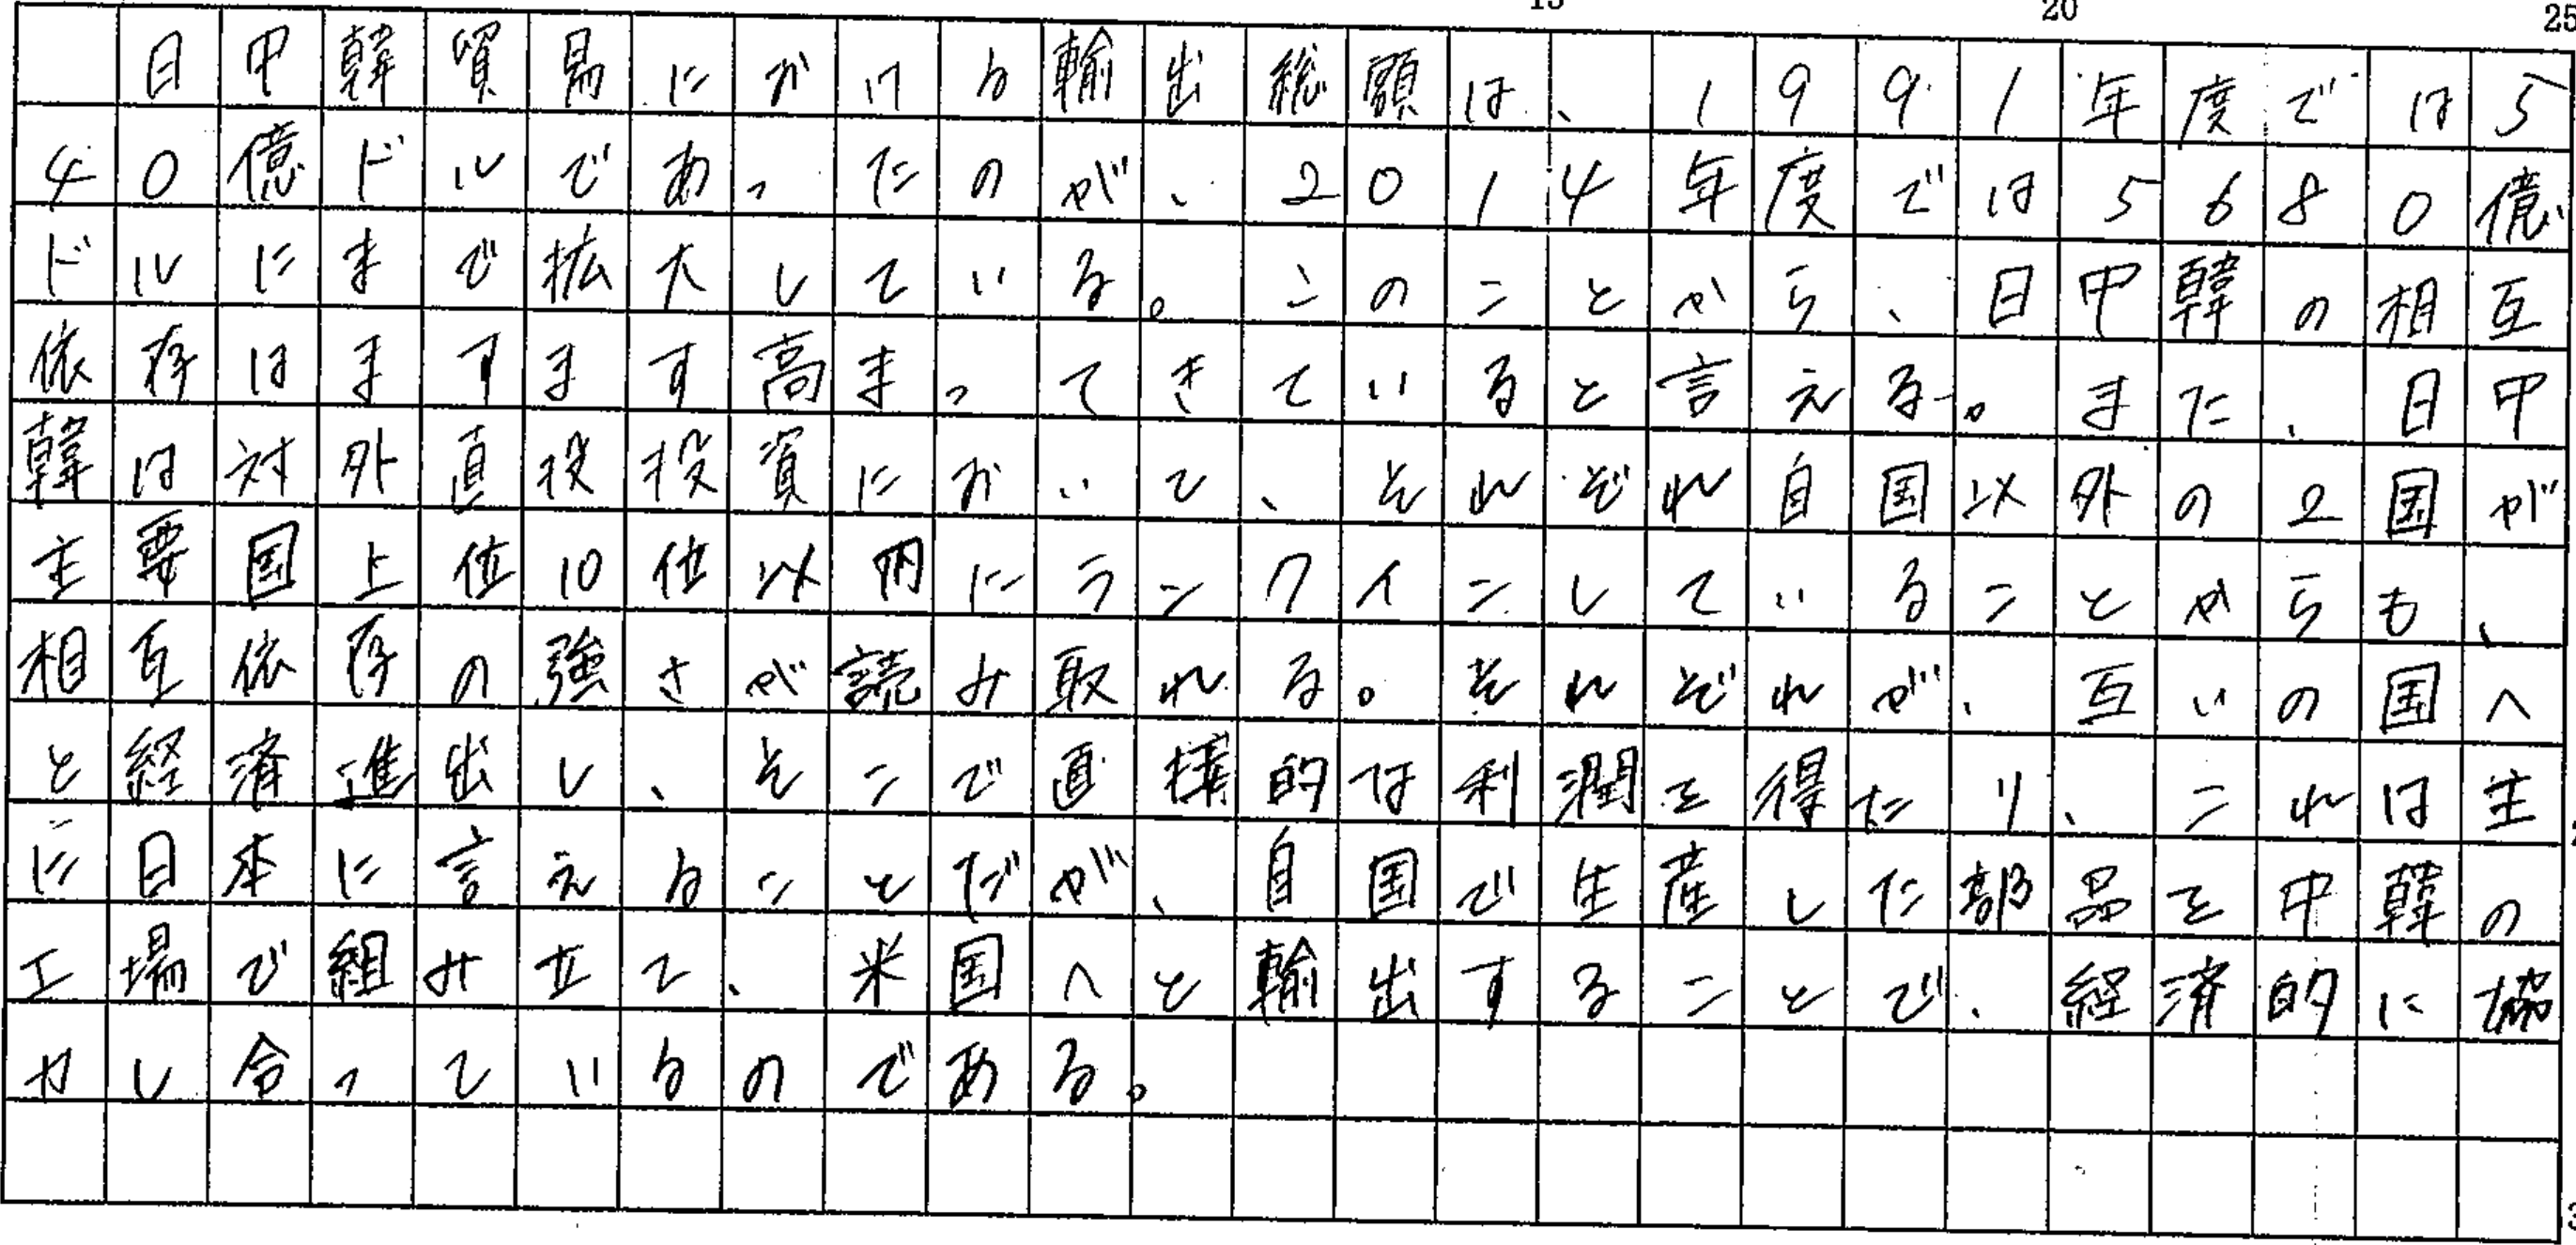　日中韓貿易における輸出総額は、１９９１年度では５４０億ドルであったのが、２０１４年度では５６８０億ドルにまで拡大している。このことから、日中韓の相互依存はますます高まってきていると言える。また、日中韓は対外直投投資において、それぞれ自国以外の２国が主要国上位10位以内にランクインしていることからも、相互依存の強さが読み取れる。それぞれが、互いの国へと経済進出し、そこで直接的な利潤を得たり、これは主に日本に言えることだが、自国で生産した部品を中韓の工場で組み立て、米国へと輸出することで、経済的に協力し合っているのである。
